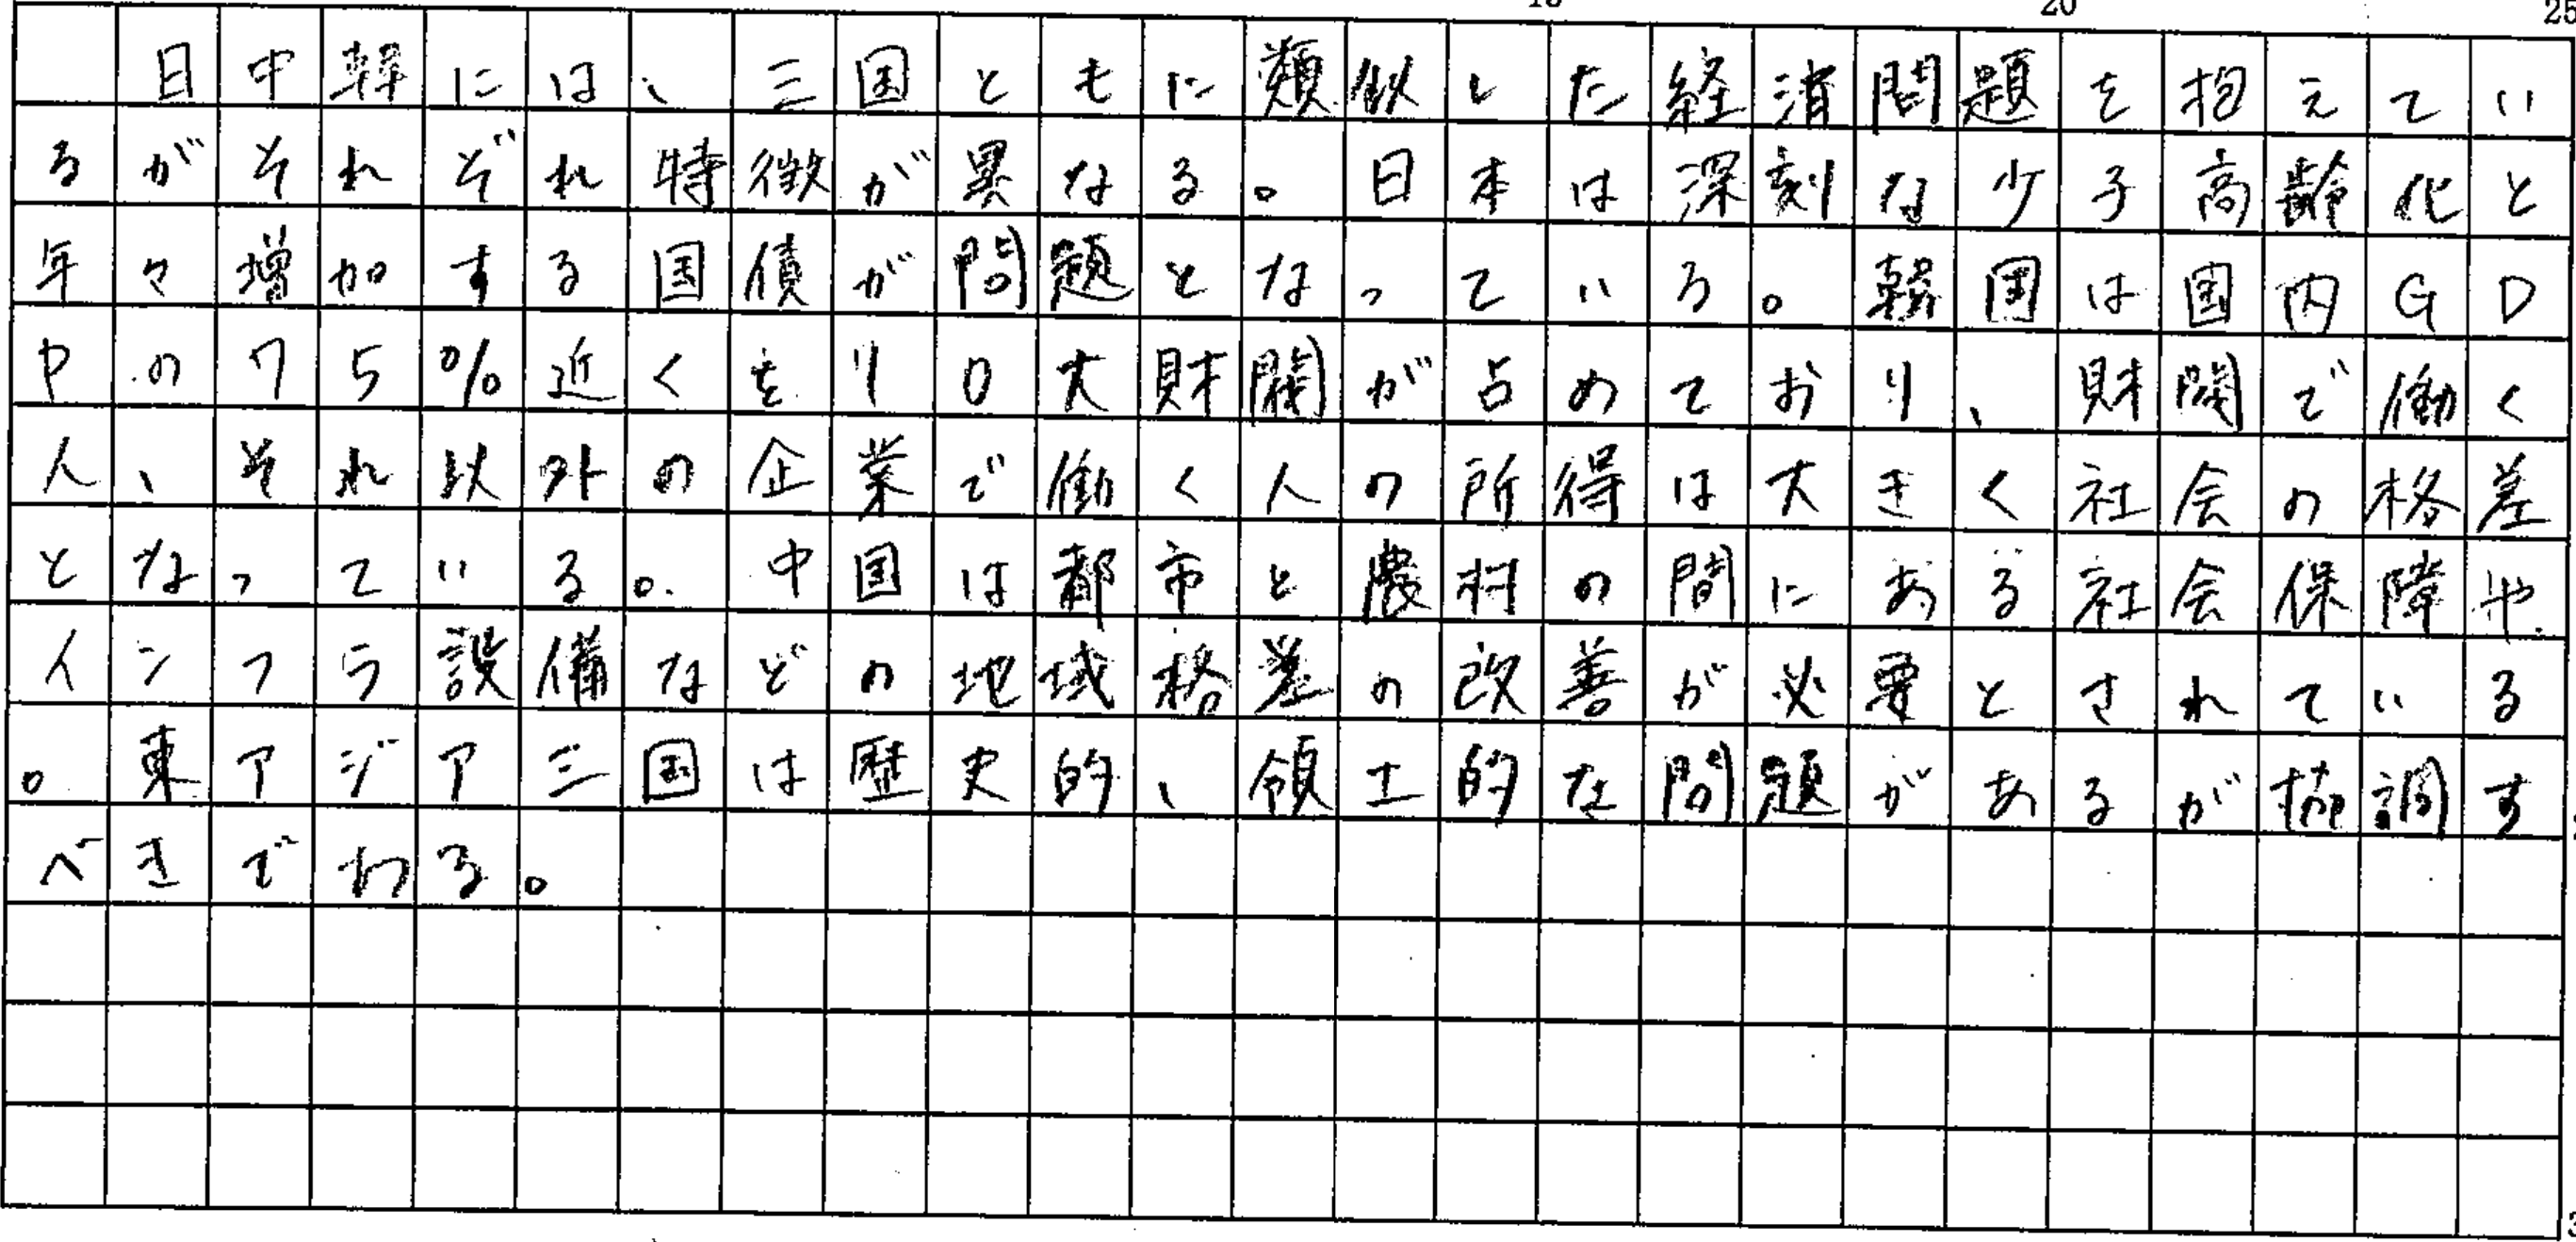　日中韓には、三国ともに類似した経済問題を抱えているがそれぞれ特徴が異なる。日本は深刻な少子高齢化と年々増加する国債が問題となっている。韓国は国内ＧＤＰの７５％近くを１０大財閥が占めており、財閥で働く人、それ以外の企業で働く人の所得は大きく社会の格差となっている。中国は都市と農村の間にある社会保障やインフラ設備などの地域格差の改善が必要とされている。東アジア三国は歴史的、領土的な問題があるが協調すべきである。
